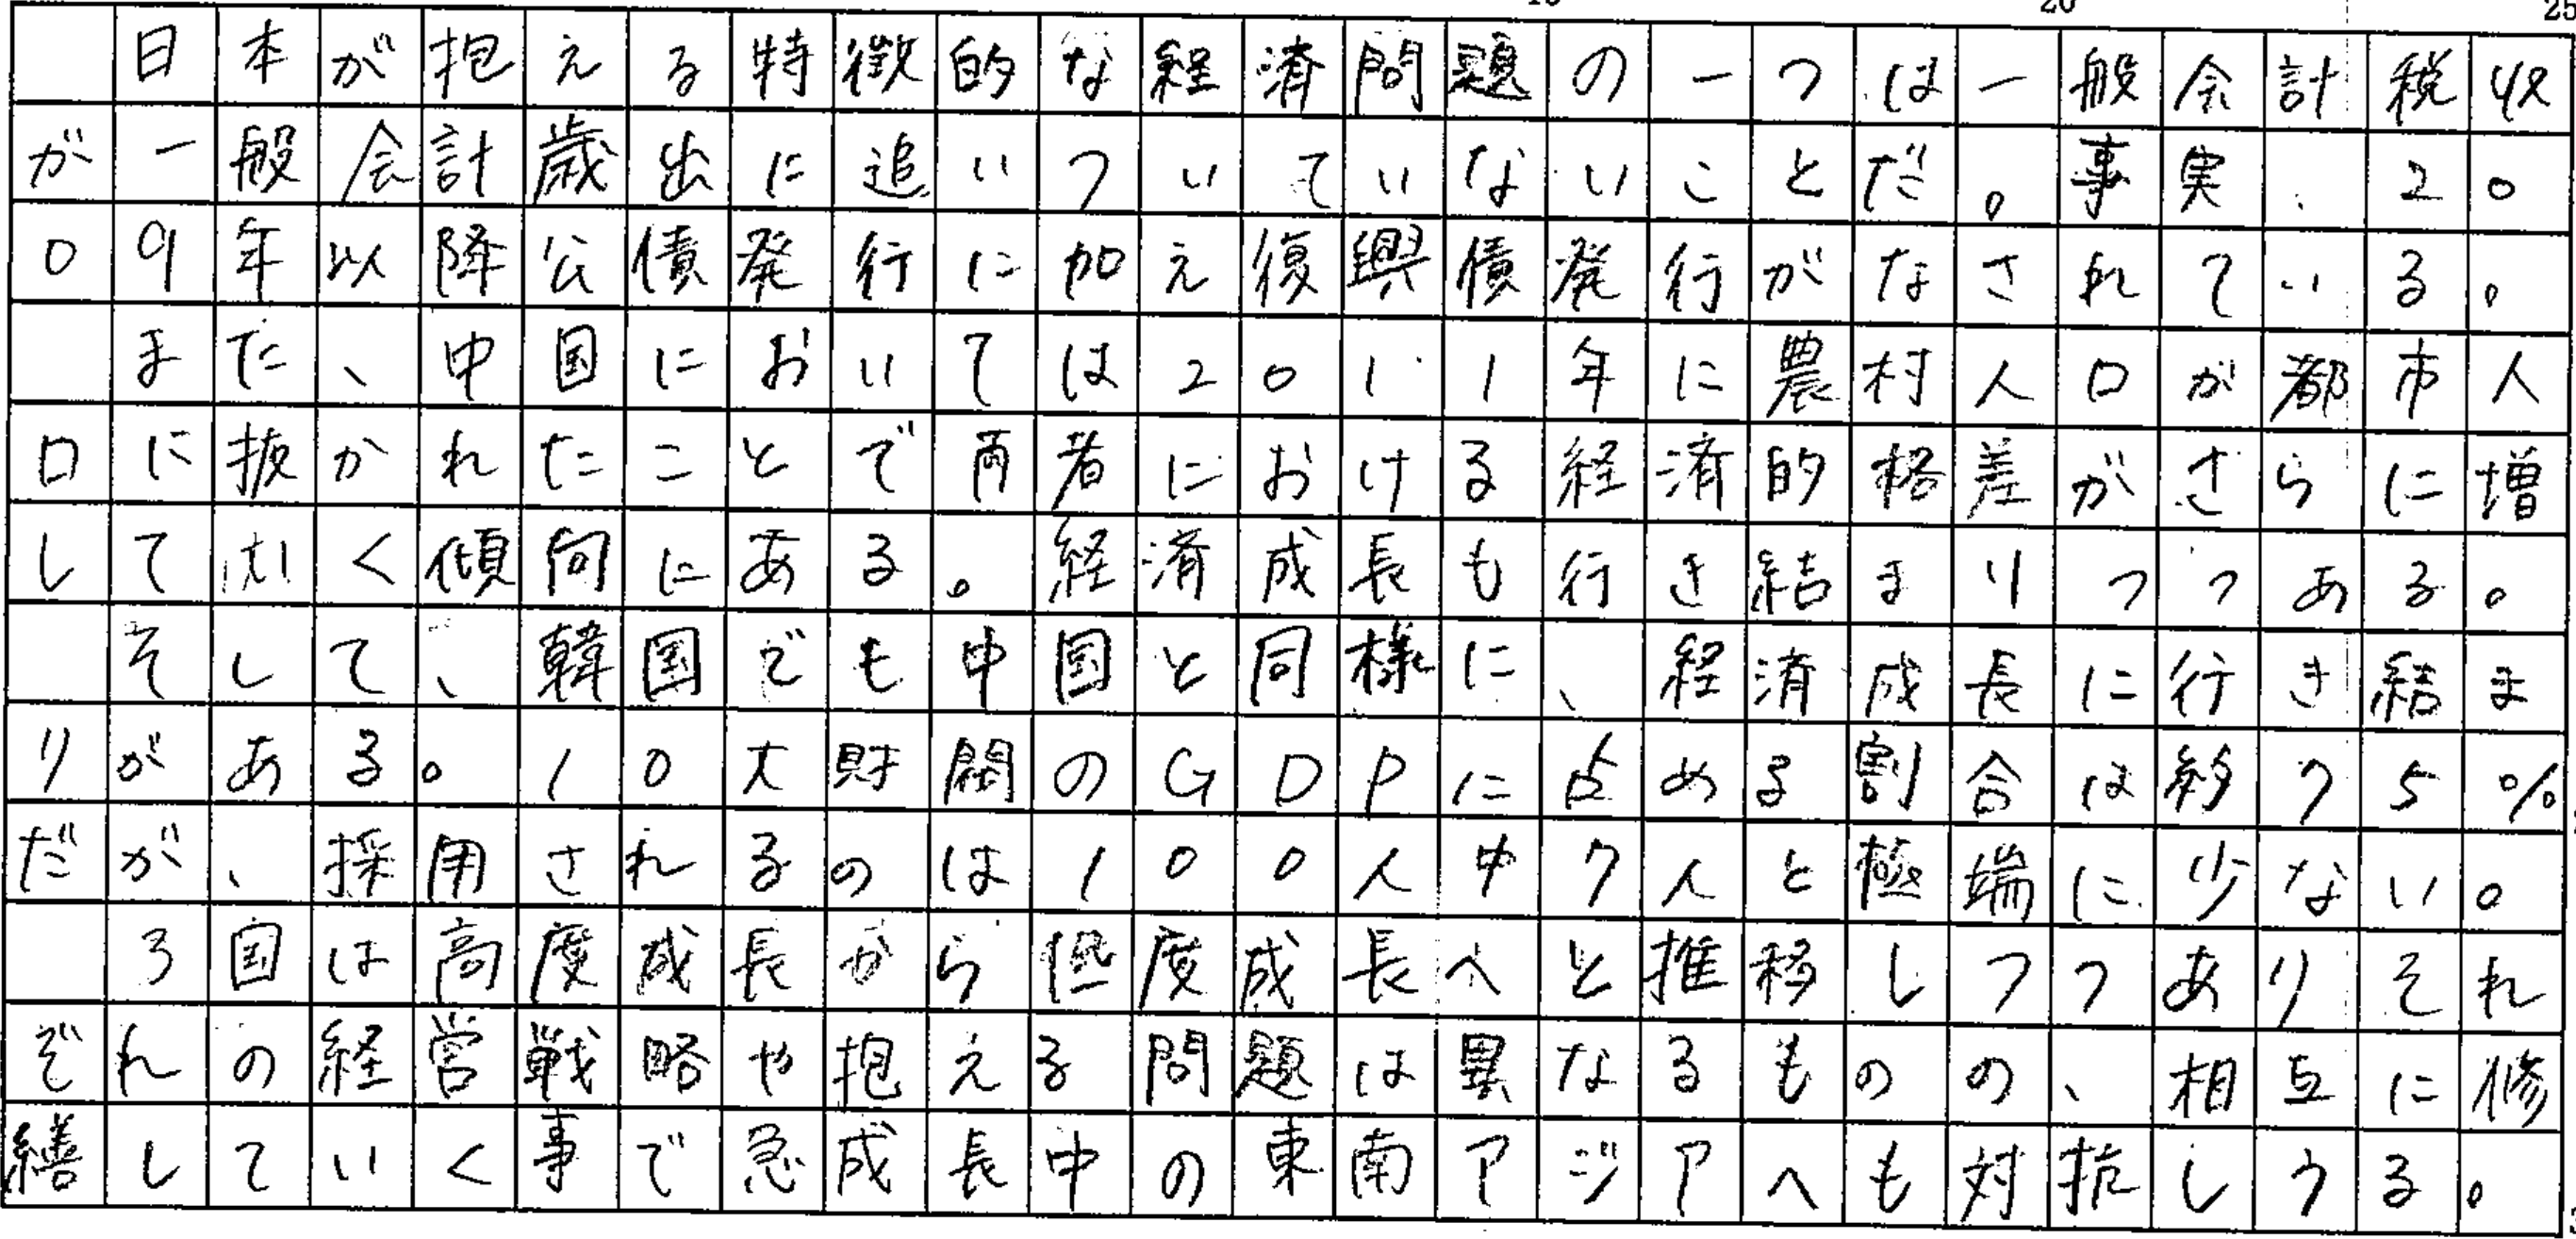　日本が抱える特徴的な経済問題の一つは一般会計税収が一般会計歳出に追いついていないことだ。事実、２００９年以降公債発行に加え復興債発行がなされている。
　また、中国においては２０１１年に農村人口が都市人口に抜かれたことで両者における経済的格差がさらに増していく傾向にある。経済成長も行き結まりつつある。
　そして、韓国でも中国と同様に、経済成長に行き結まりがある。１０大財閥のＧＤＰに占める割合は約７５％だが、採用されるのは１００人中７人と極端に少ない。
　３国は高度成長から低度成長へと推移しつつありそれぞれの経営戦略や抱える問題は異なるものの、相互に修繕していく事で急成長中の東南アジアへも対抗しうる。
